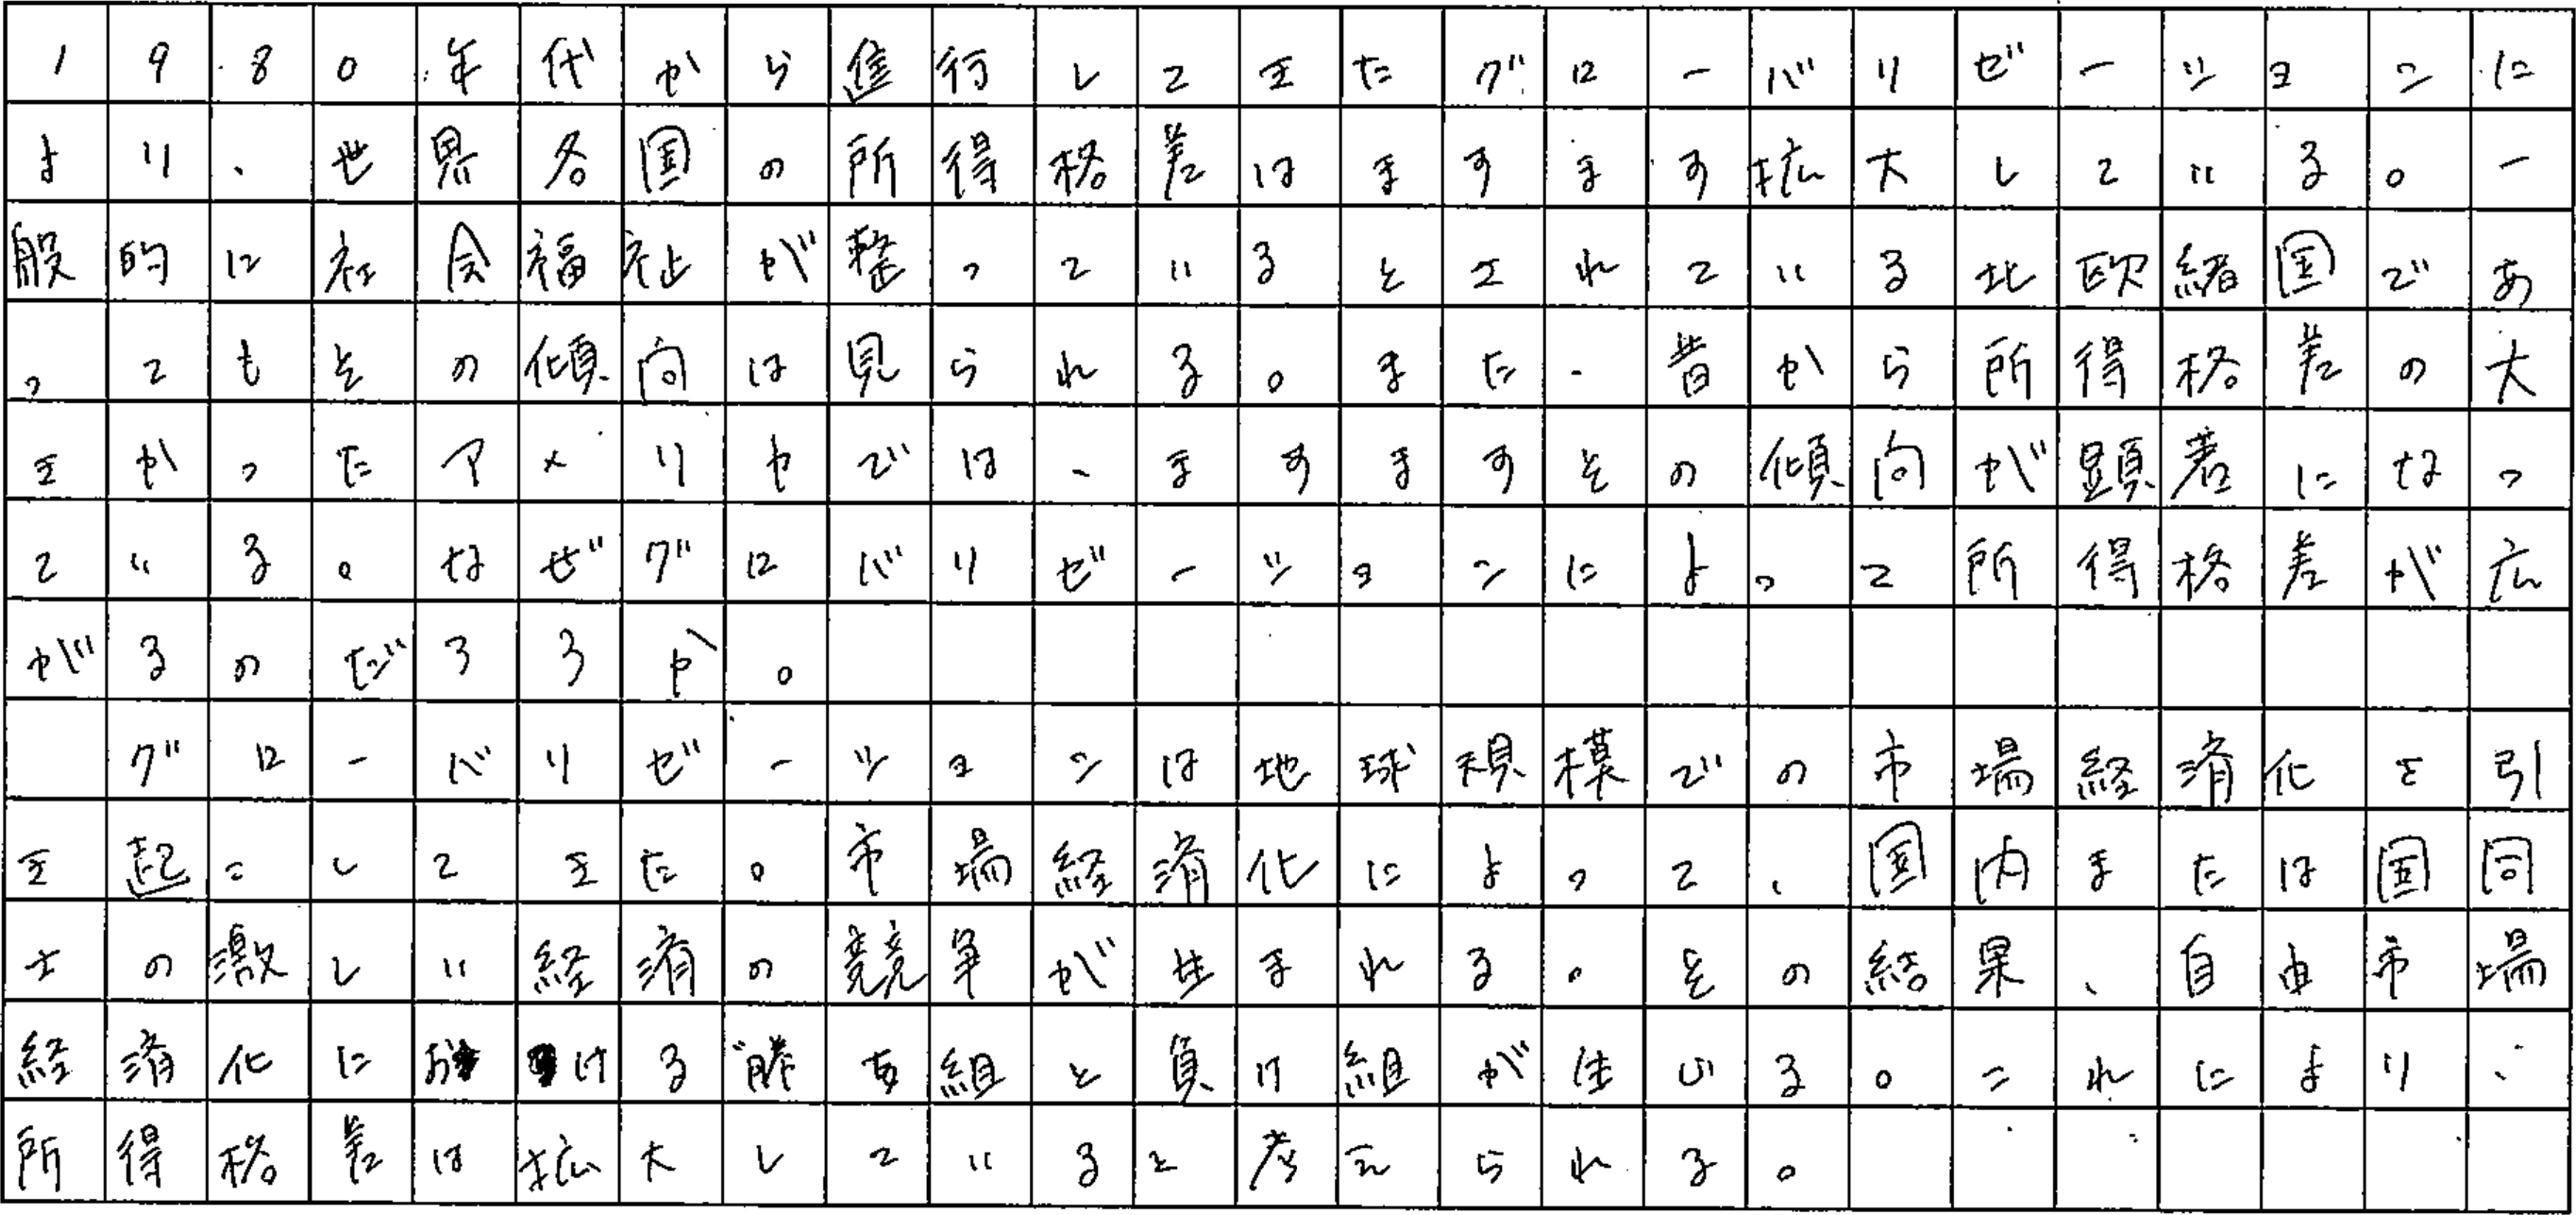１９８０年代から進行してきたグローバリゼーションにより、世界各国の所得格差はますます拡大している。一般的に社会福祉が整っているとされている北欧緒国であってもその傾向は見られる。また、昔から所得格差の大きかったアメリカでは、ますますその傾向が顕著になっている。なぜグロバリゼーションによって所得格差が広がるのだろうか。
　グローバリゼーションは地球規模での市場経済化を引き起こしてきた。市場経済化によって、国内または国同士の激しい経済の競争が生まれる。その結果、自由市場経済化における勝ち組と負け組が生じる。これにより、所得格差は拡大していると考えられる。
